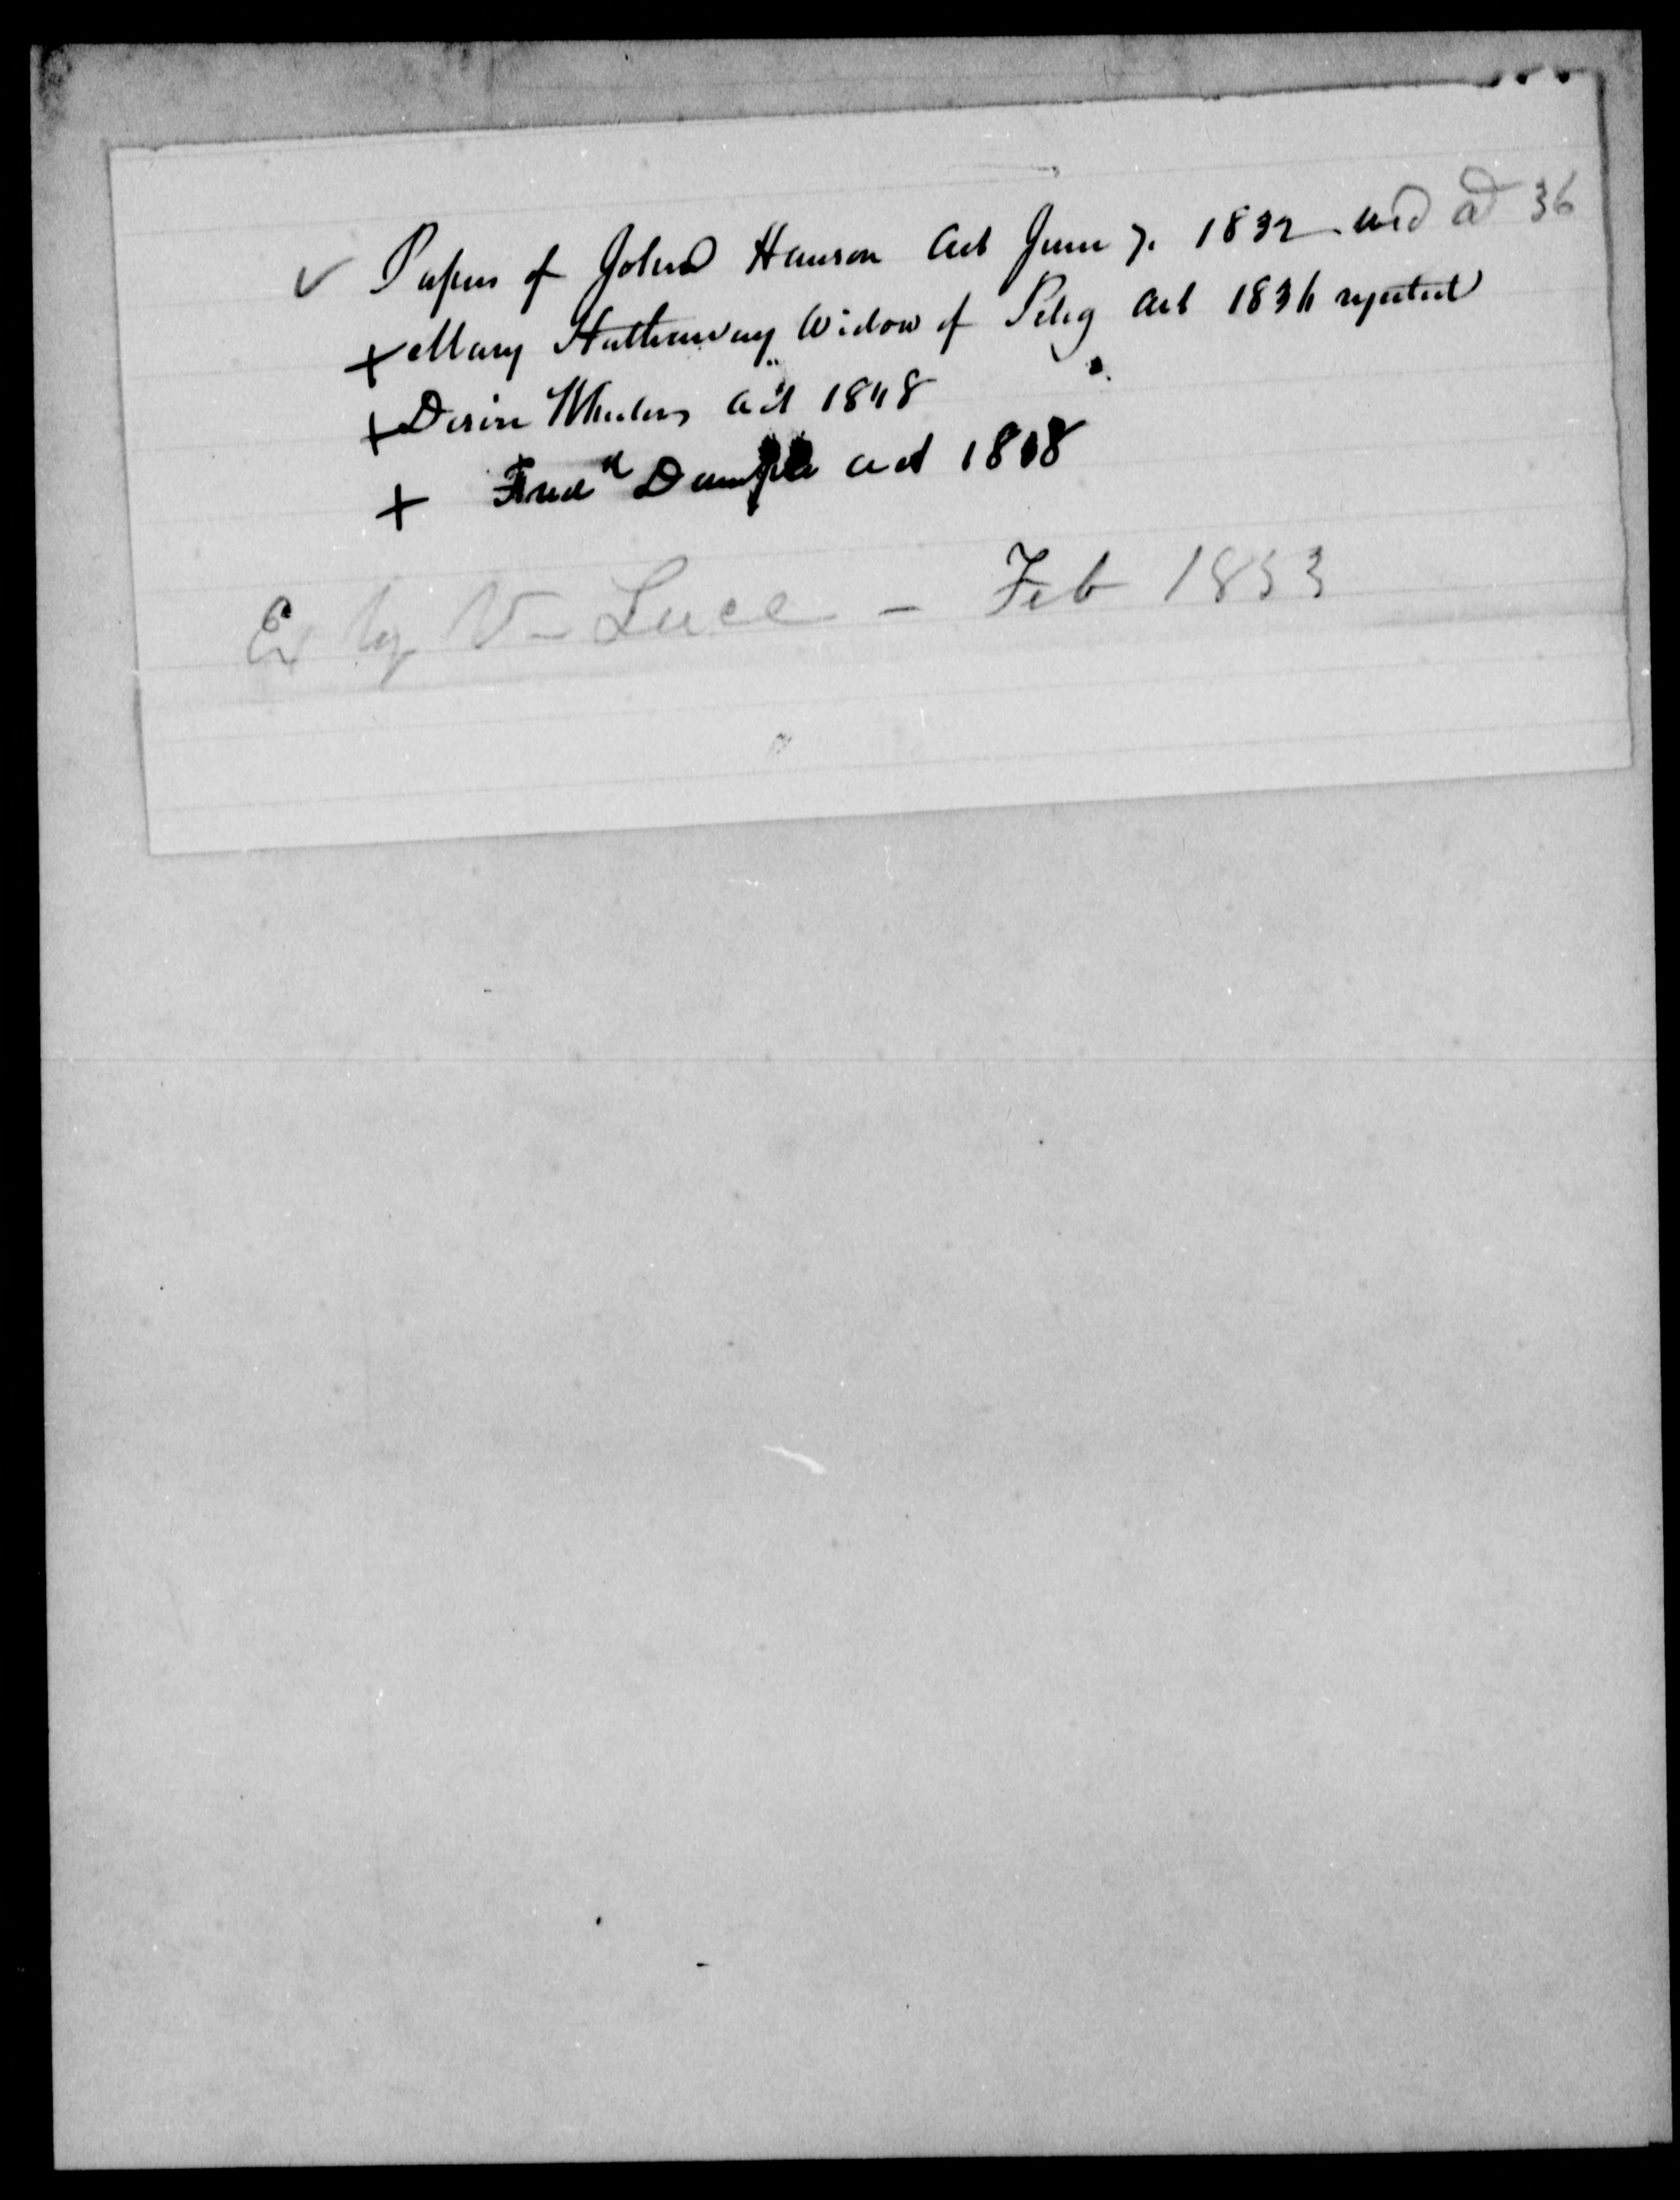Papers of John Hanson Act June 7 1932 wid al. 36
Mary Hathaway widow of Pelig act 1836 rejected
Desire Wheeler Act 1848
Fred. Dample Act 1818

Ex. by U. Luce Feb. 1853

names: V Luce, Fredk Dample, Mary Hathaway, John Hanson, Desire Wheeler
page: 34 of 98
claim: widow's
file: W. 1682, Valentine Wheeler, Mass.